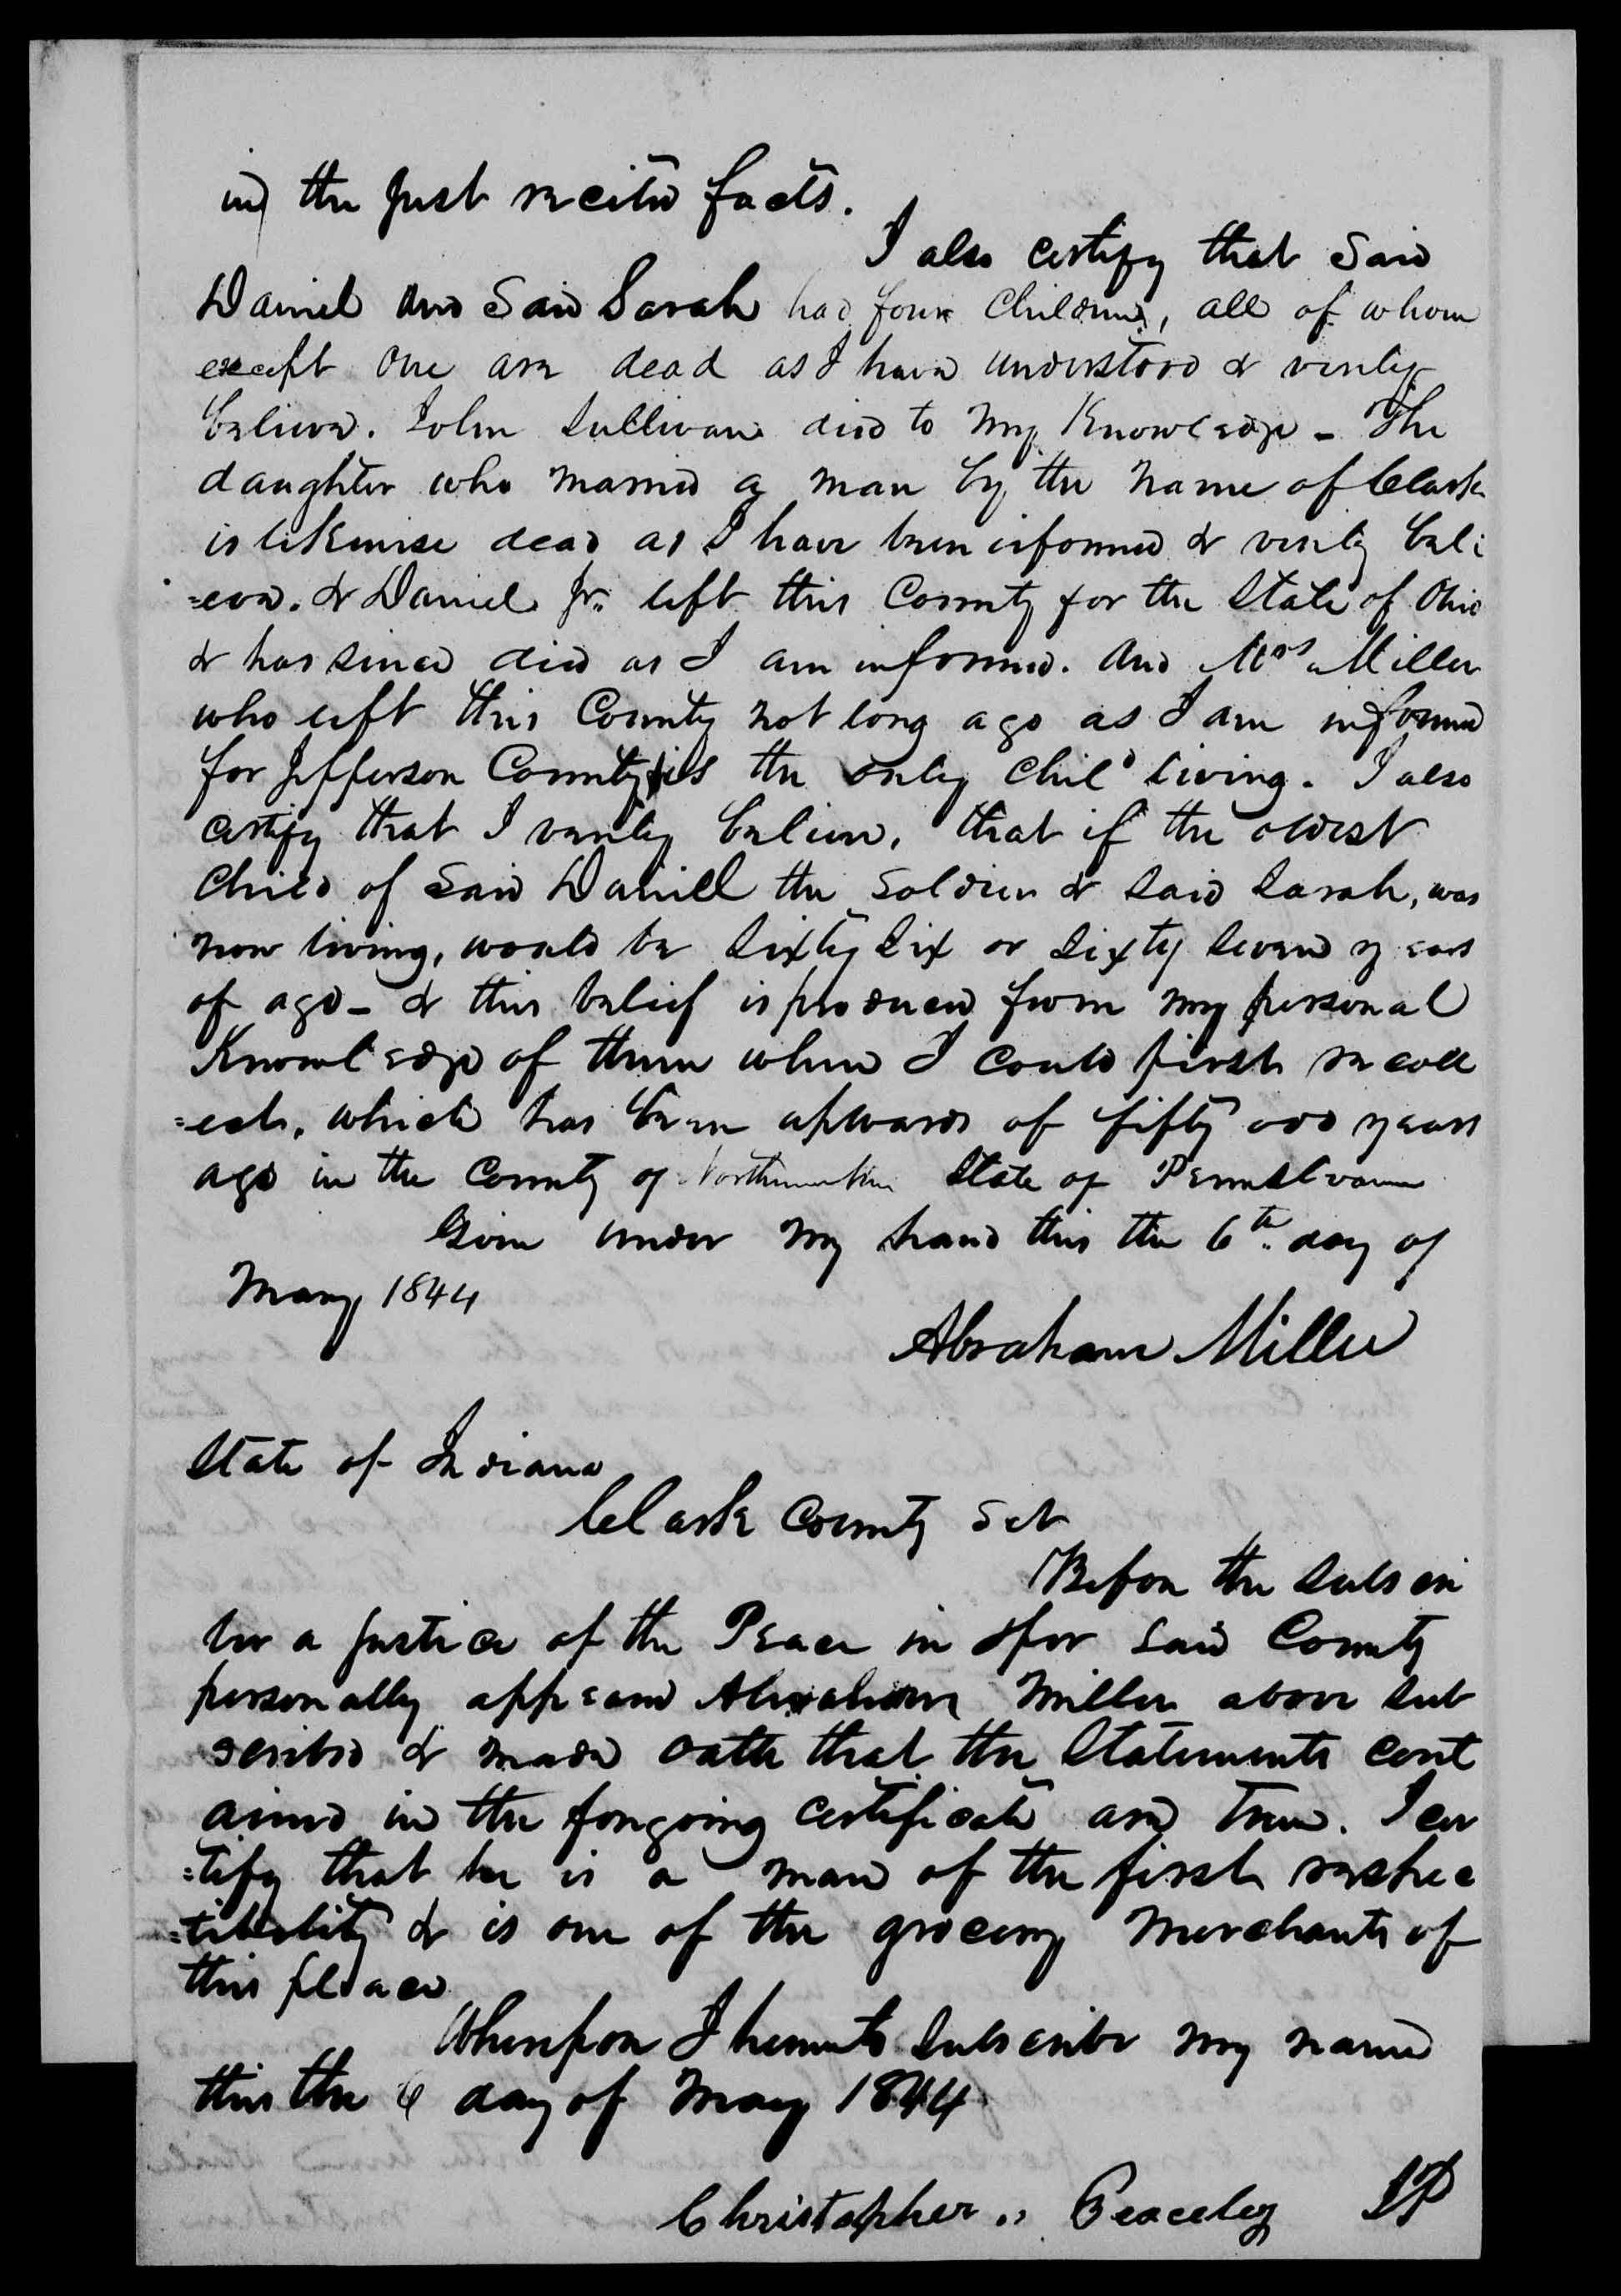in the just recited facts.
I also certify that said Daniel and said Sarah had four children, all of whom except one are dead as I have understood & verify believe. John Sullivan died to my knowledge - The daughter who married a man by the name of Clark is likewise dead as I have been informed & verily believe & Daniel Jr. left this county for the State of Ohio & has since died as I am informed. And Mrs Miller who left this County not long ago as I am informed for Jefferson County is the only child living. I also certify that I verily believe, that if the oldest child of said Daniel the soldier & said Sarah, was now living, would be sixty six or sixty seven years of age - & this belief is proven from my personal knowledge of them when I could first recollect, which has been upward of fifty one years ago in the County of Northumberland [or Northampton]  State of Pennslvania
Given under my hand this the 6th day of May 1844
[signed] Abraham Miller

State of Indiana Clark County Sct
Before the subscriber a Justice of the Peace in & for said County personally appeared Abraham Miller above subscribed & made oath that the statements contained in the foregoing certificate are true. I certify that he is a man of the first respectability & is one of the grocery merchants of this place
Whereupon I hereunto subscribe my name this the 6 day of May 1844
[signed] Christopher Peacely JP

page: 13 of 78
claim: widow's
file: W. 25,169, for Daniel Sullivan, Maryland